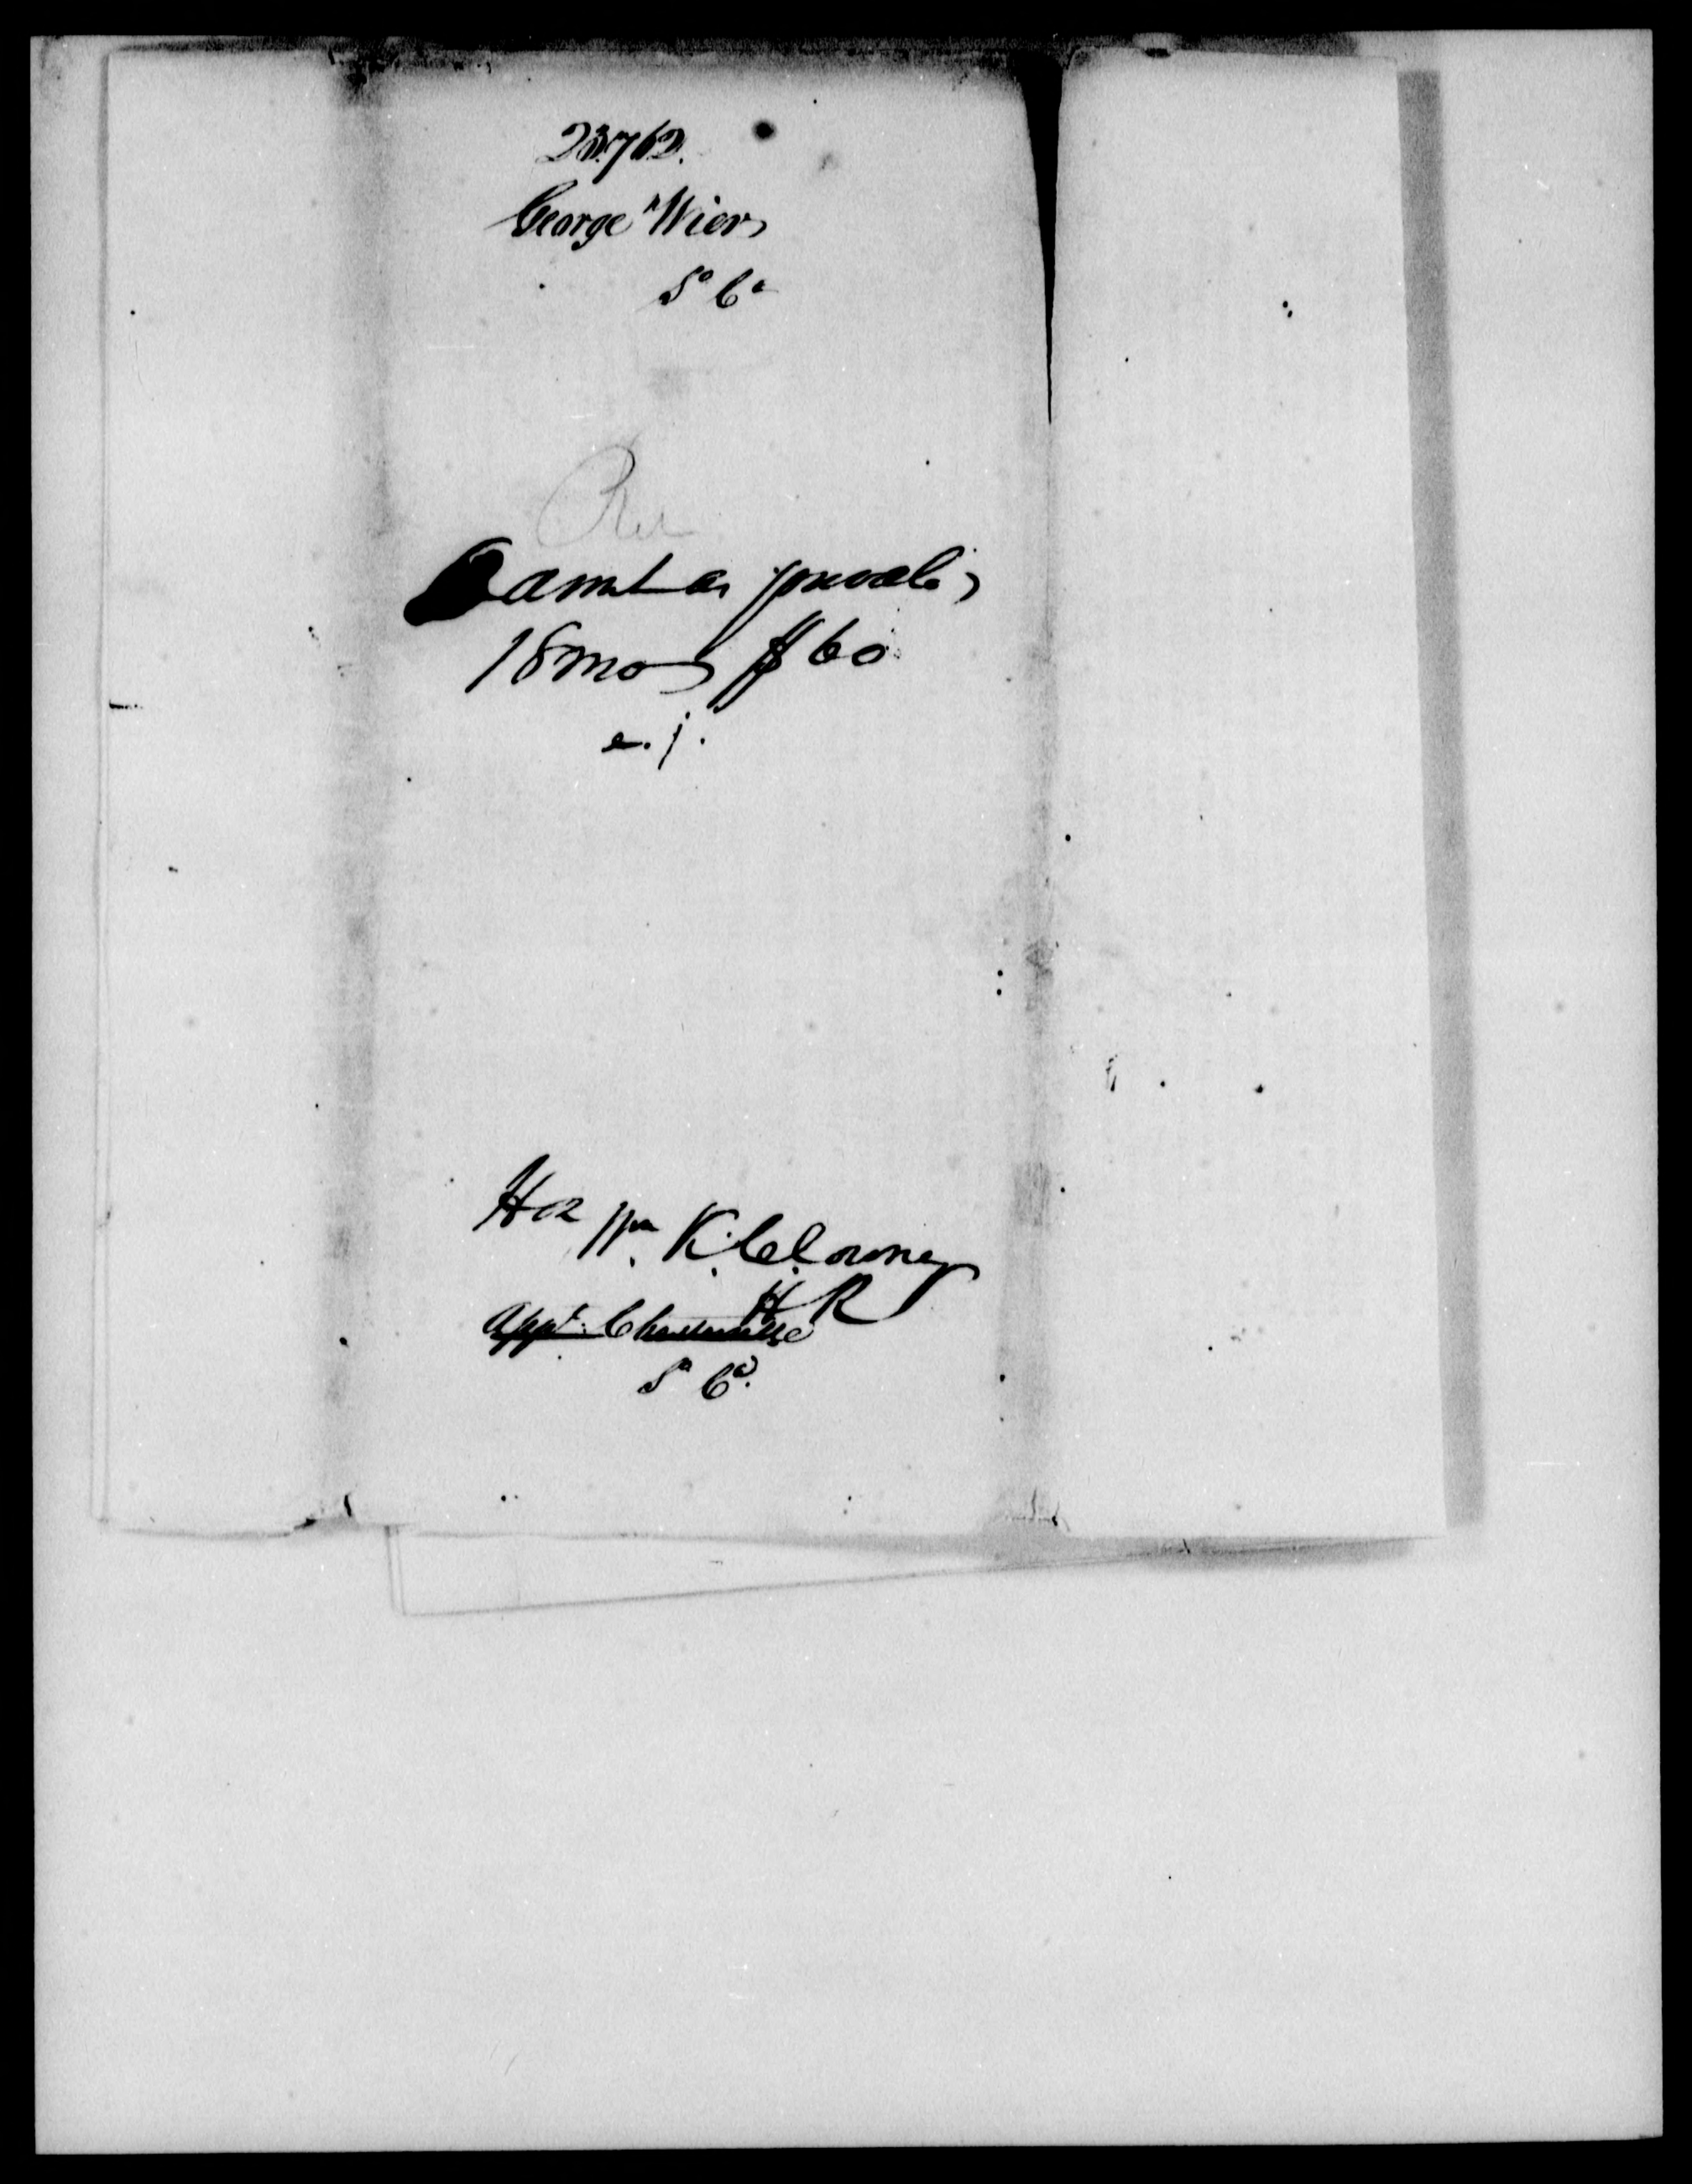28762
George Wier
SC

[illegible]
18 mo $60

Hon Wm K Clowney
HR
So Car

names: George Wier, Wm K Clowney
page: 19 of 22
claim: survivor's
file: S. 9528, George Weir, S.C.